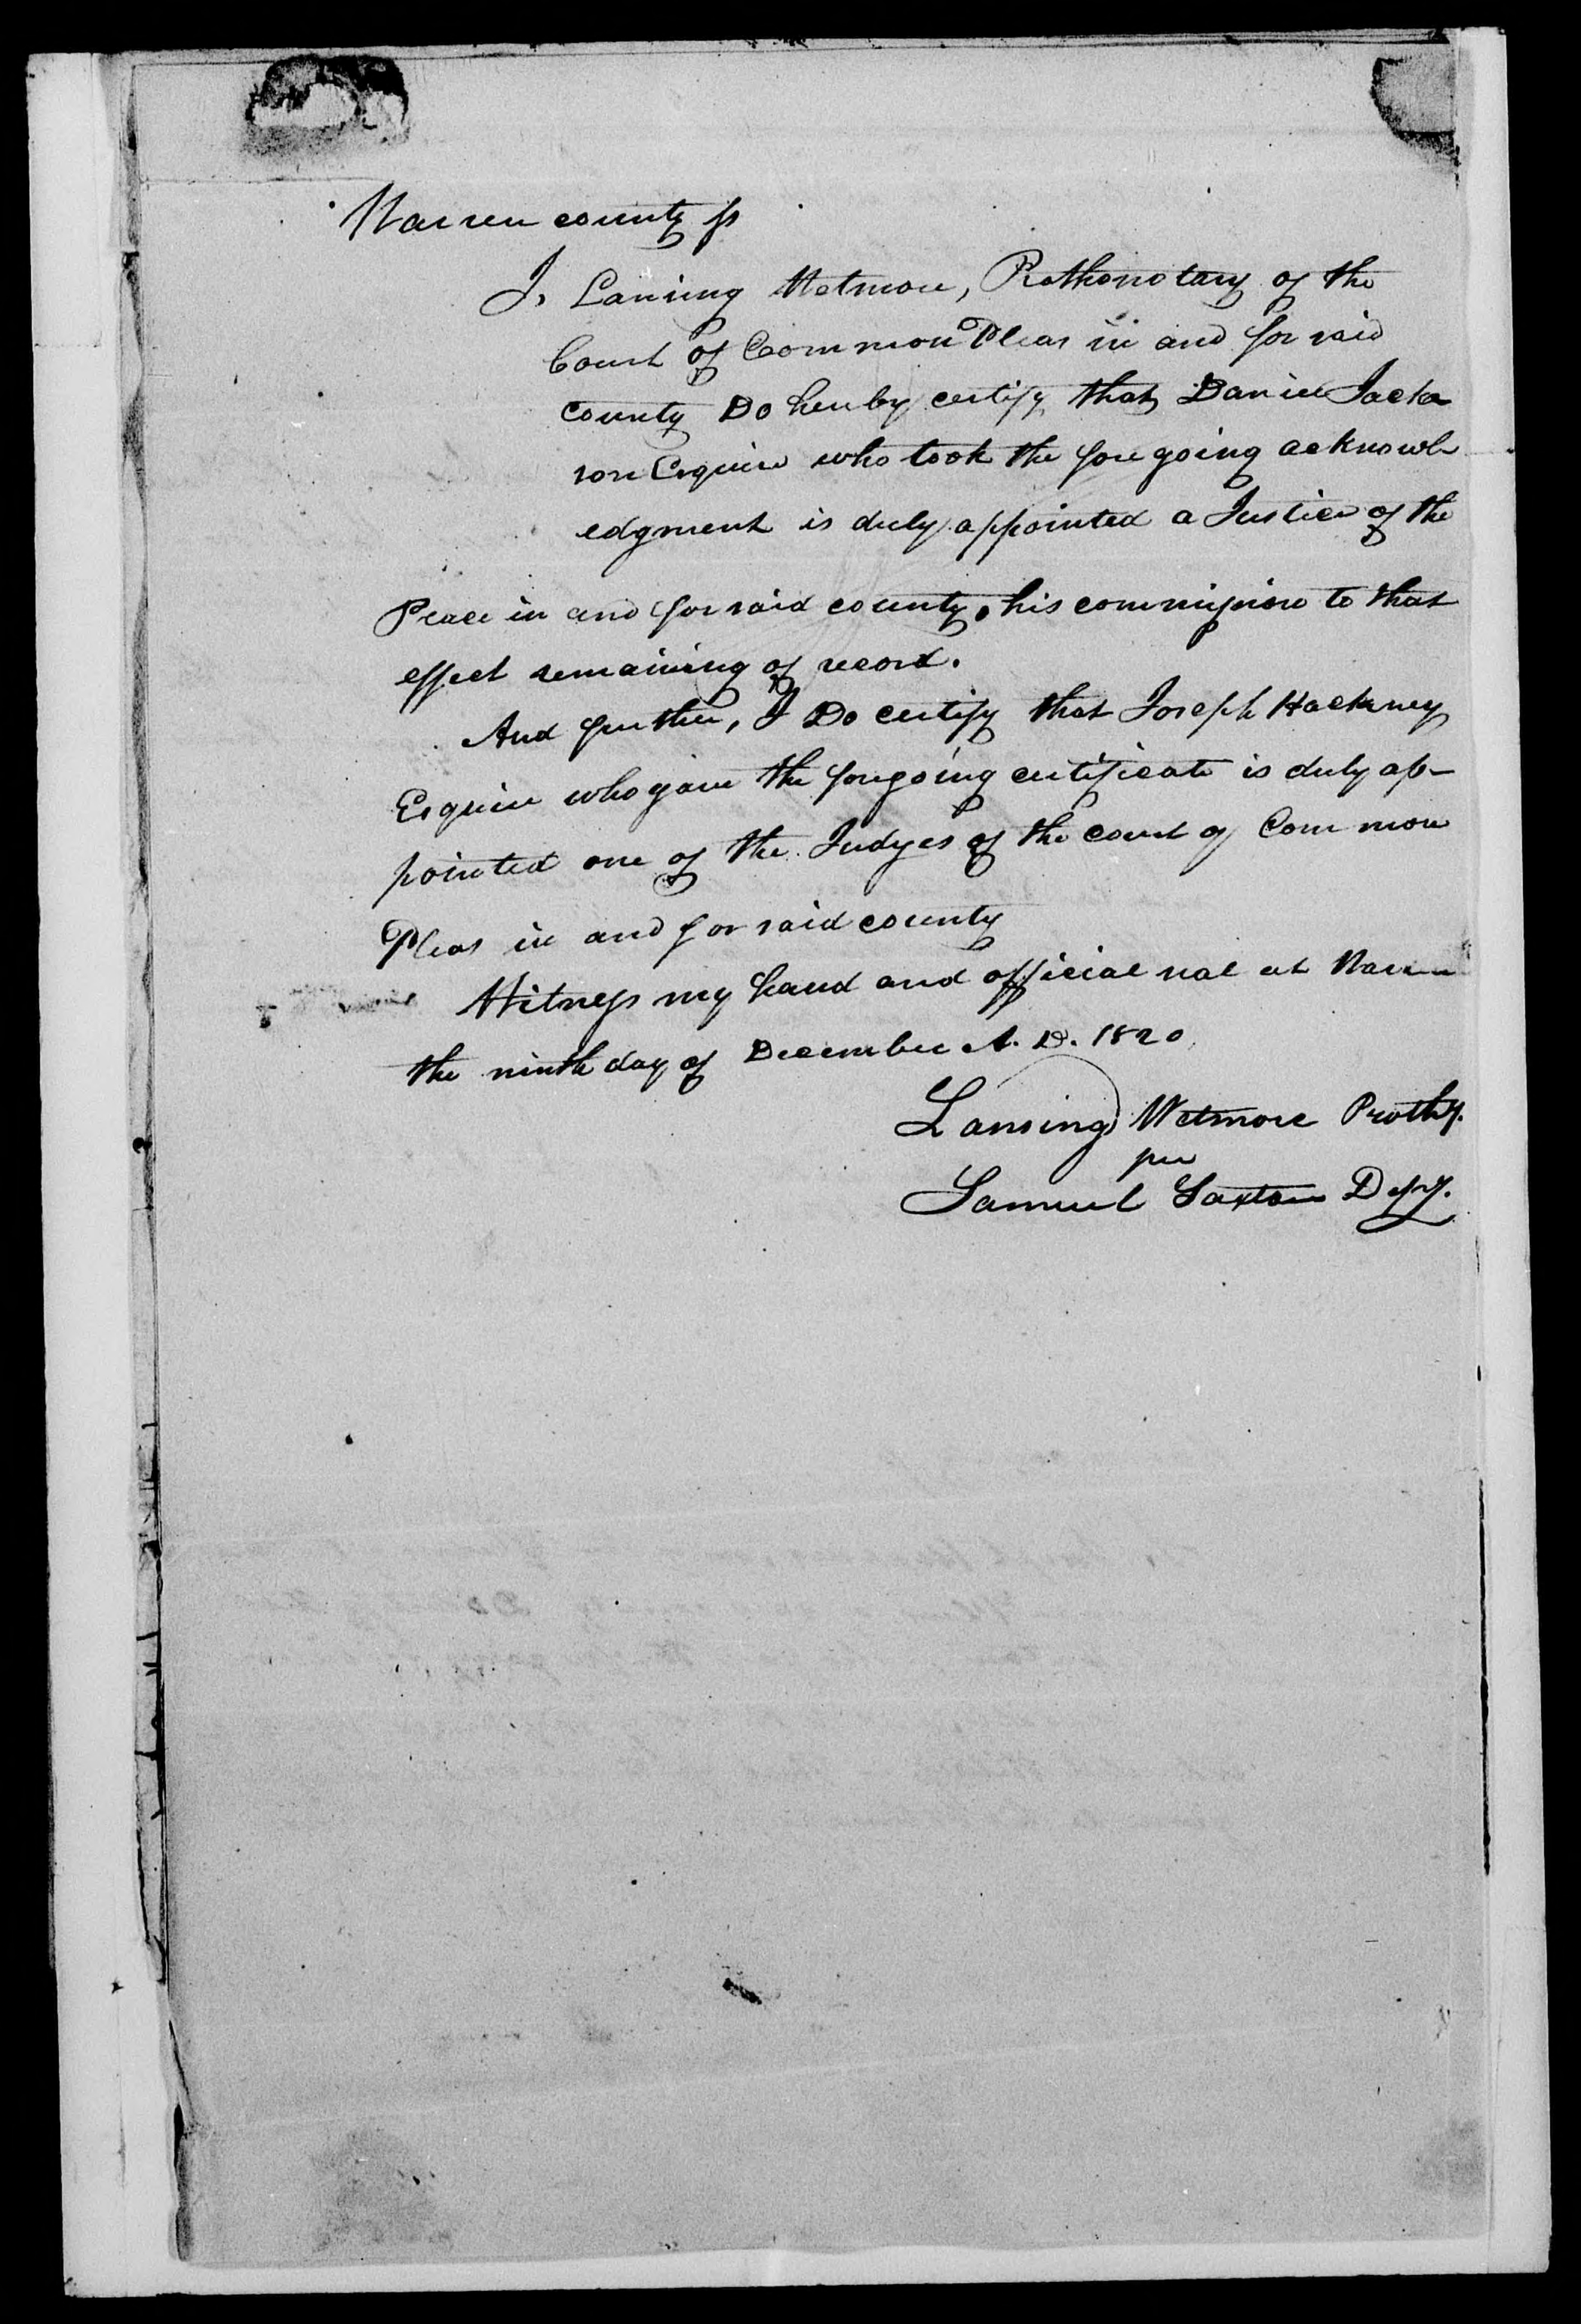Warren County ss

I Lansing Watmore, Prothonotary of the
Court of Common Pleas in and for said
County Do hereby certify that Daniel Jackson Esquire  who took the foregoing  acknowledgement is duly appointed a Justice of the Peace in and for said County, his  commission to that effect remaining of record

And further, I do certify that Joseph Hackney
Esquire who gave the foregoing certificate is duly 
appointed one of the Judges of the Court of Common Pleas in and for said County

Witness my hand and official seal at Warren 
the ninth day of
December A.D. 1820

Lansing Watmore   Prothy
per
Samuel Saxton   Depy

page: 55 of 77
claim: widow's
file: W 2954, for James Mc Gee, Delaware